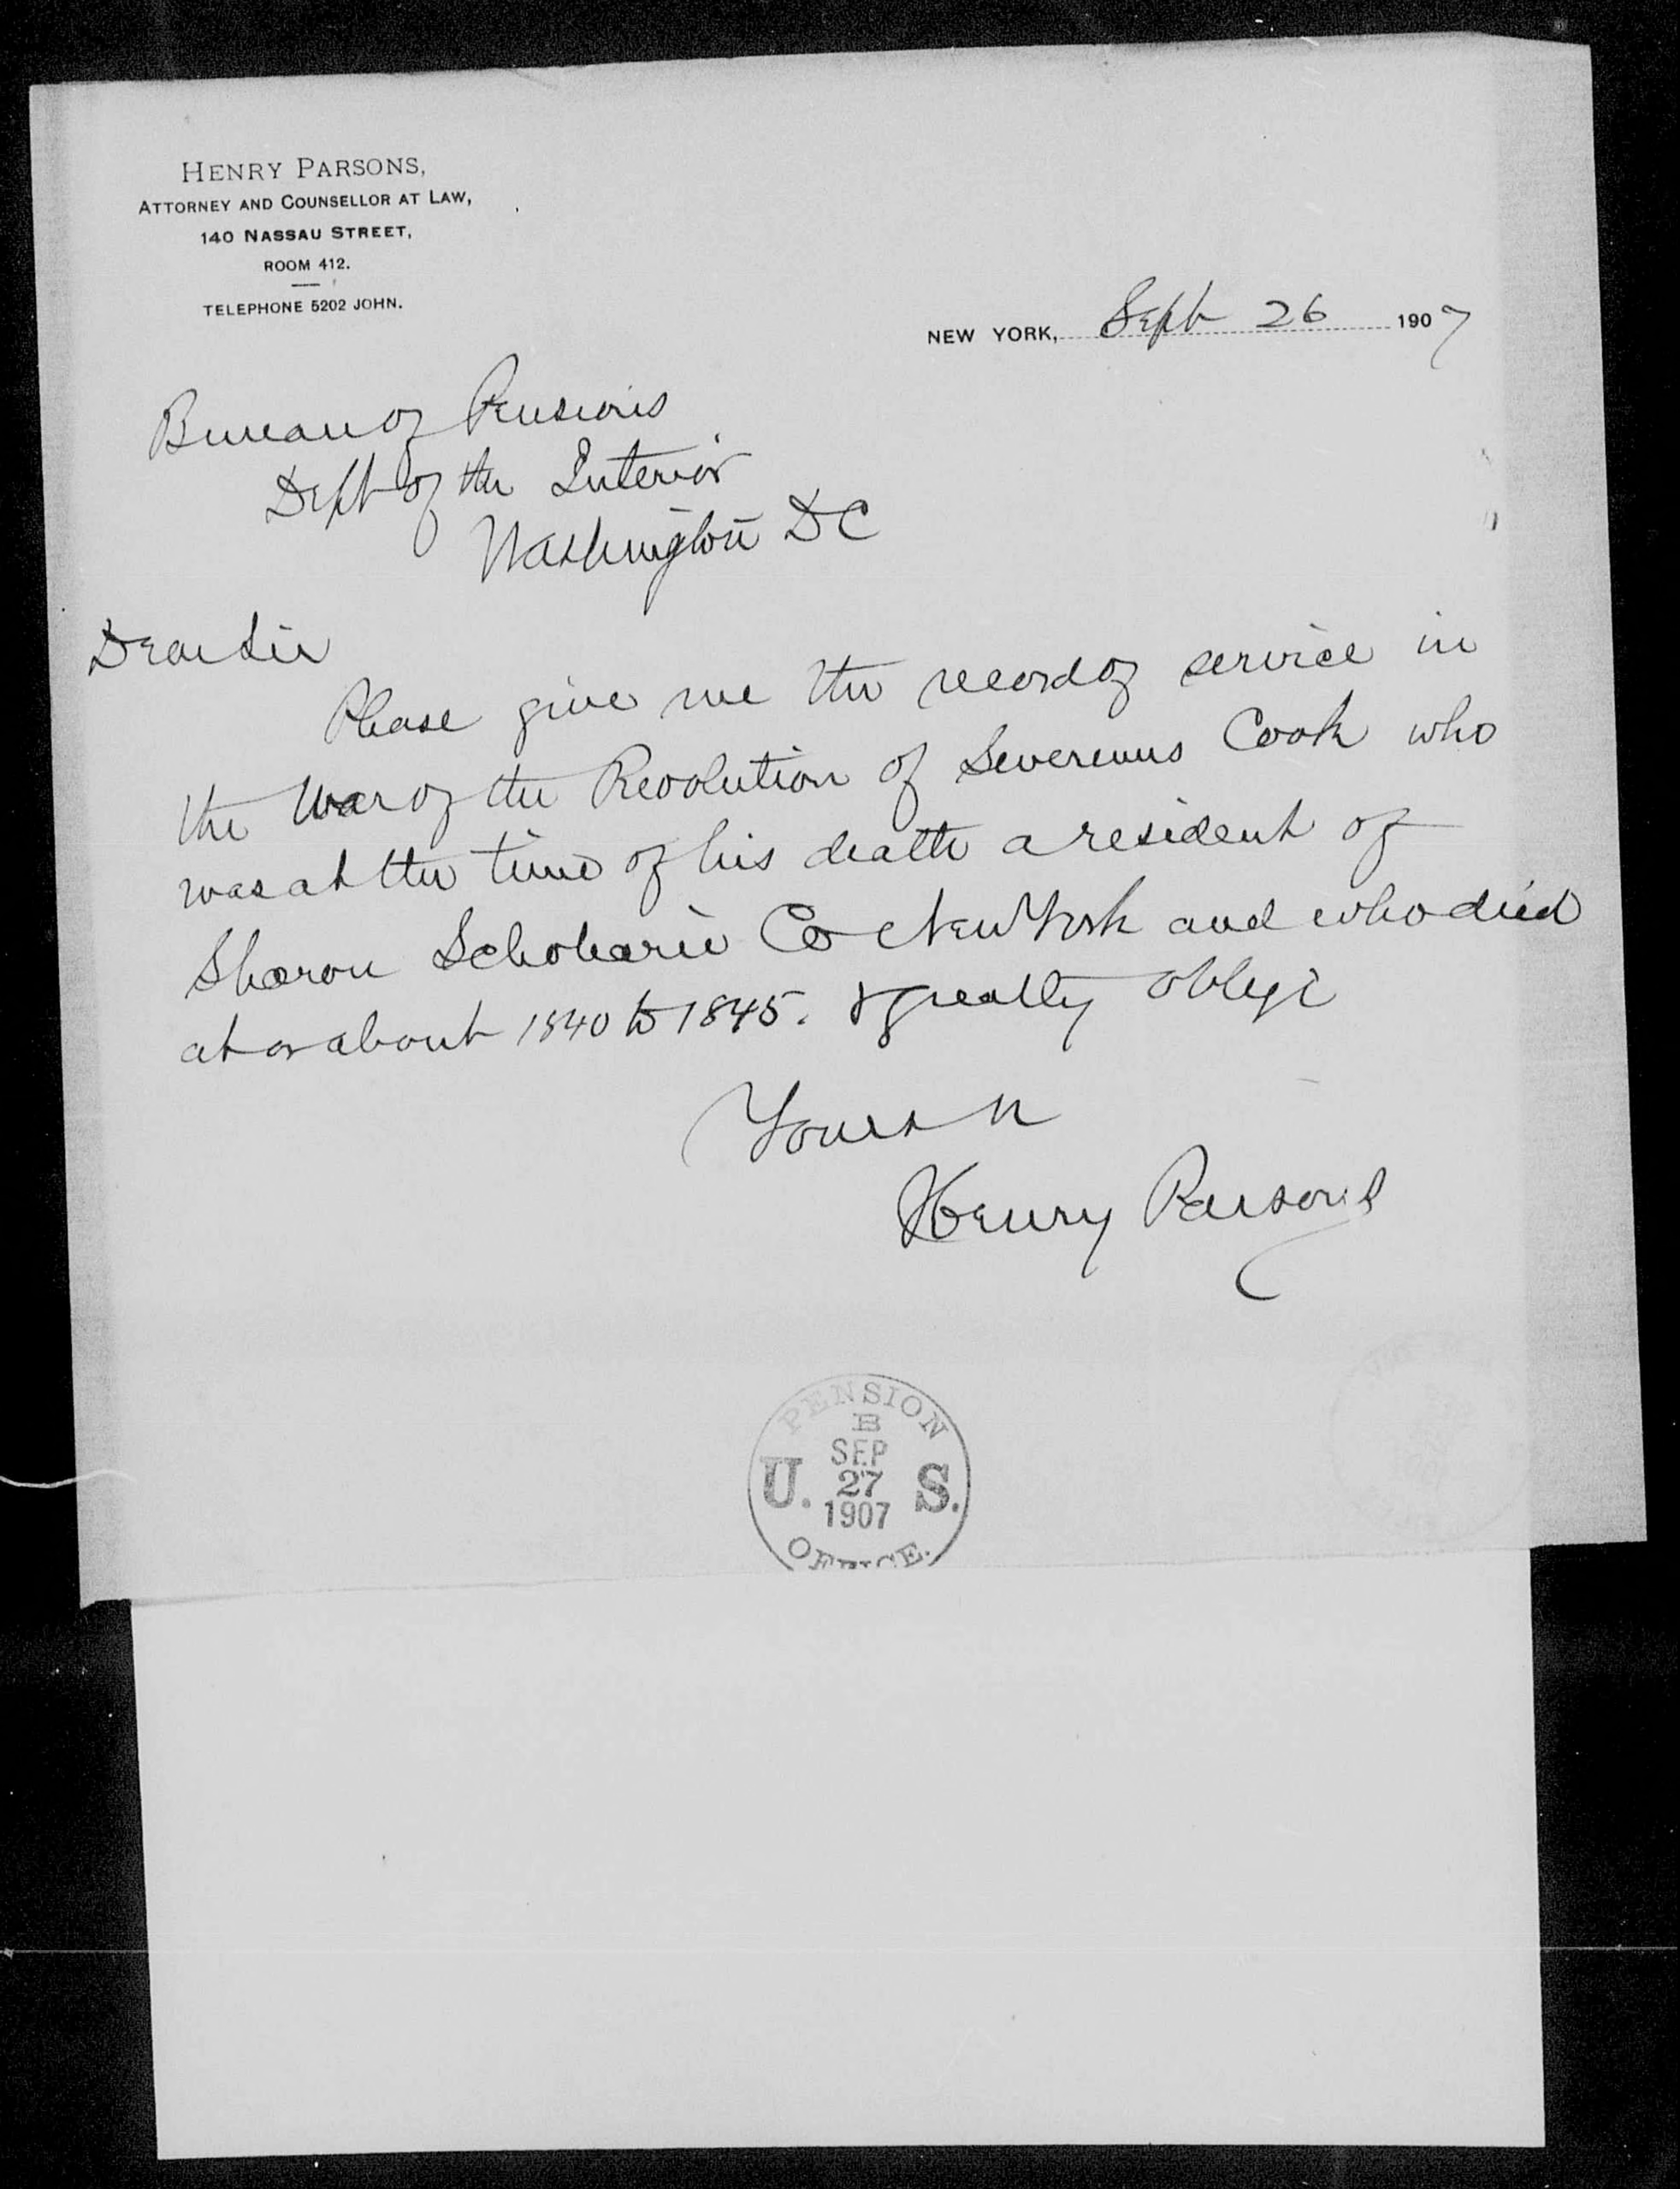HENRY PARSONS,
ATTORNEY AND COUNSELLOR AT LAW,
140 NASSAU STREET,
ROOM 412.
TELEPHONE 5202 JOHN.

Bureau of Pensions
Dept of the Interior
Washington DC

NEW YORK, Sept 26 1907

Dear Sir

Please give me the record of service in the War of the Revolution of Severinus Cook who was at the time of his death a resident of Sharon Schoharie Co New York and who died at or about 1840 to 1845. & greatly oblige
Yours
Henry Parsons

[stamped]

U.S. Pension Office
B
Sep 27 1907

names: Henry Parsons, Henry Parsons, Severinus Cook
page: 23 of 51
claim: survivor's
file: S. 12563, Severinus Cook, New York